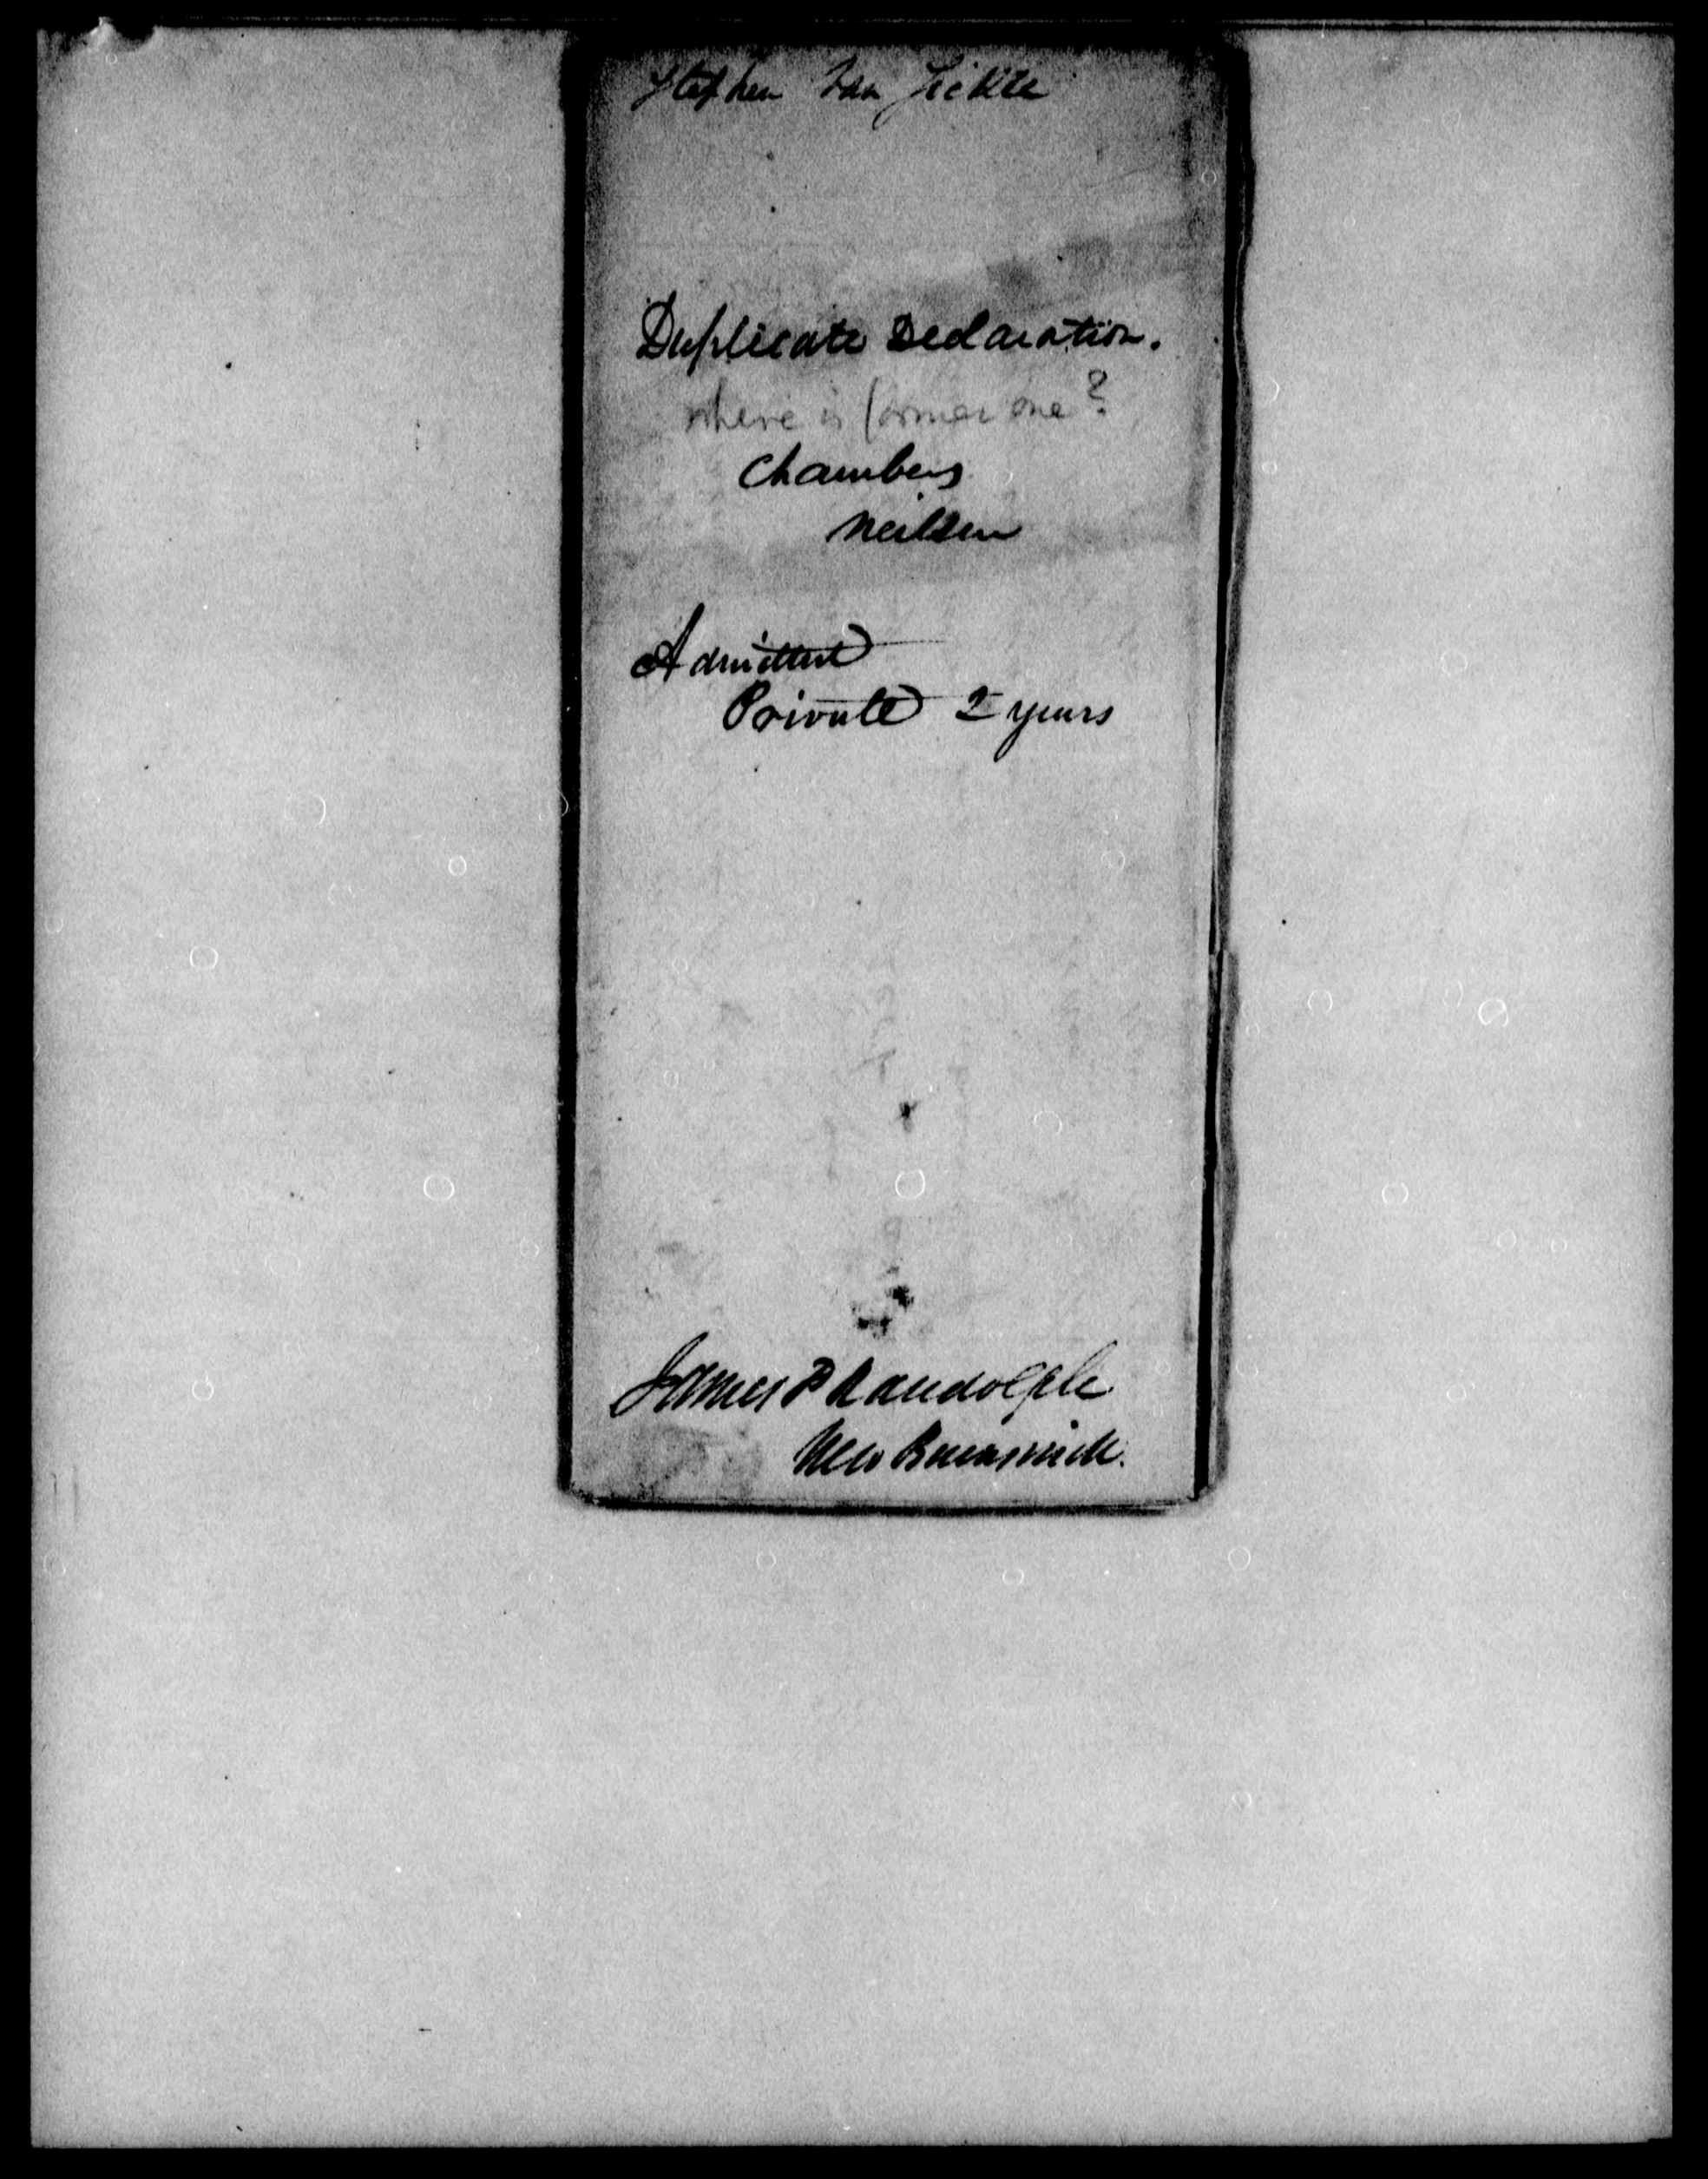Stephen Van Sickle
Duplicate Declarcation.
there former
me
Chambers
Nelson
Admitted
Private 2
years
James Randolph
New Burnswick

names: Stephen Van Sickle, Chambers, James F Randolph, Neilson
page: 4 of 12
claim: survivor's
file: S. 1136, Stephen Van Sickle, New Jersey